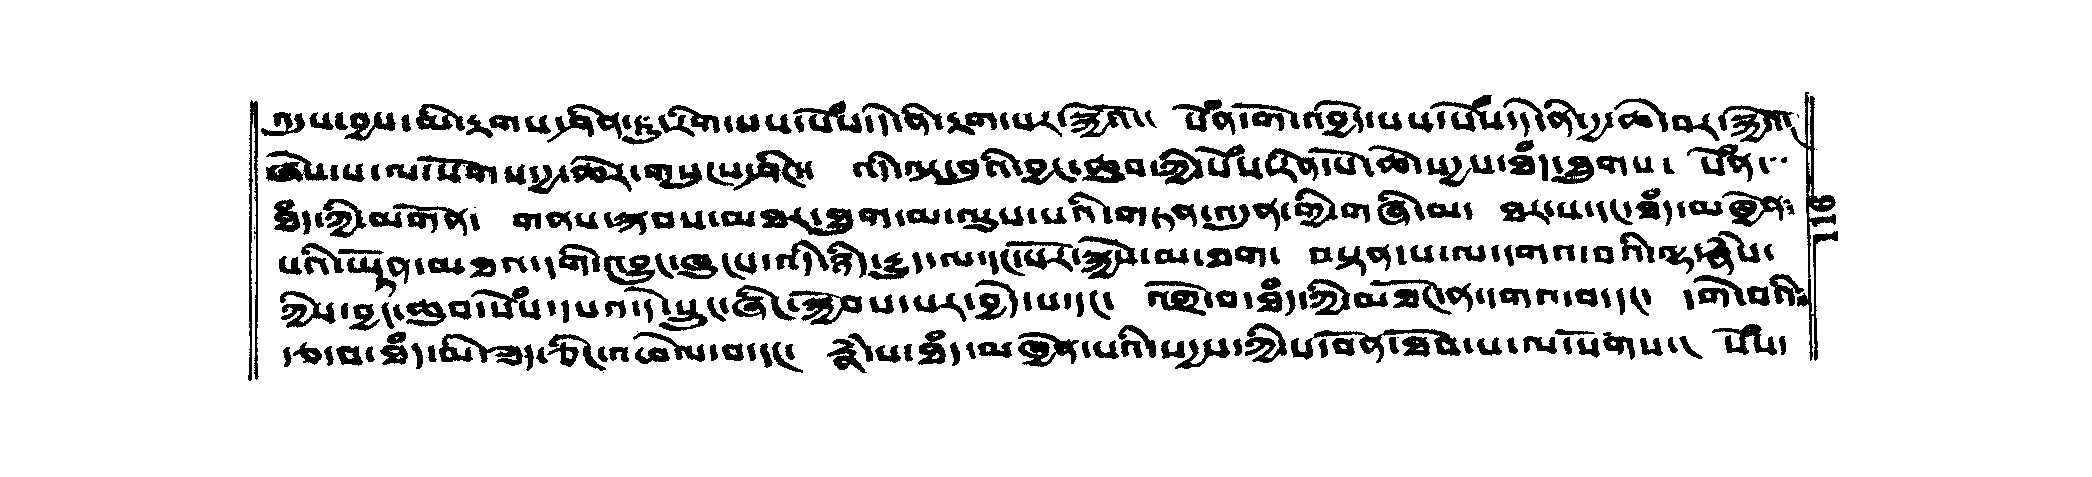འདུས་བྱས་མི་རྟགས་ཤིན་ཏུ་རིག་པས་སེམས་དེ་ནི་རྟག་པར་སྐྱེའོ། སེམས་ཅན་གོ་འབྱེད་པས་སེམས་དེ་ནི་རྒྱ་ཆེ་བར་སྐྱེའོ། 
ཞེས་པ་ལ་སོགས་རྒྱ་ཆེར་གསུངས་ཤིང་། འདི་ལྟ་བུའི་བྱང་ཆུབ་ཀྱི་སེམས་རིན་པོ་ཆེ་སངས་རྒྱས་ཐམས་ཅད་ཐུགས། སེམས་ཅན་
ཐམས་ཅད་ཀྱི་མགོན། གནས་སྐབས་མཐར་ཐུག་མ་ལུས་པའི་གཏན་འདུན་གྱི་གཞི་མ། ཐར་པ་དང་ཐམས་ཅད་མཁྱེན་
པའི་ཡོན་ཏན་མཐའ་དག་གི་འབྱུང་ཁུངས་འདི་ཉིད་རྒྱུད་ལ་དང་པོར་སྐྱེས་མ་ཐག བསྟན་པ་ལ་དགའ་བའི་ལྷ་རྣམས་
ཀྱིས་བྱང་ཆུབ་སེམས་དཔའ་དེ་སྲུང་ཞིང་སྐྱོབས་པར་བྱེད་པ་དང་། འགྲོ་བ་ཐམས་ཅད་ཀྱི་མངོང་ན་དགའ་བ་དང་། དགེ་བའི་
རྩ་བ་ཐམས་ཅད་མི་ཟད་ཅིང་འཕེལ་བ་དང་། རྣམ་པ་ཐམས་ཅད་མཁྱེན་པའི་སངས་རྒྱས་ཀྱི་ས་བོན་ཐོབ་པ་ལ་སོགས།སེམས་